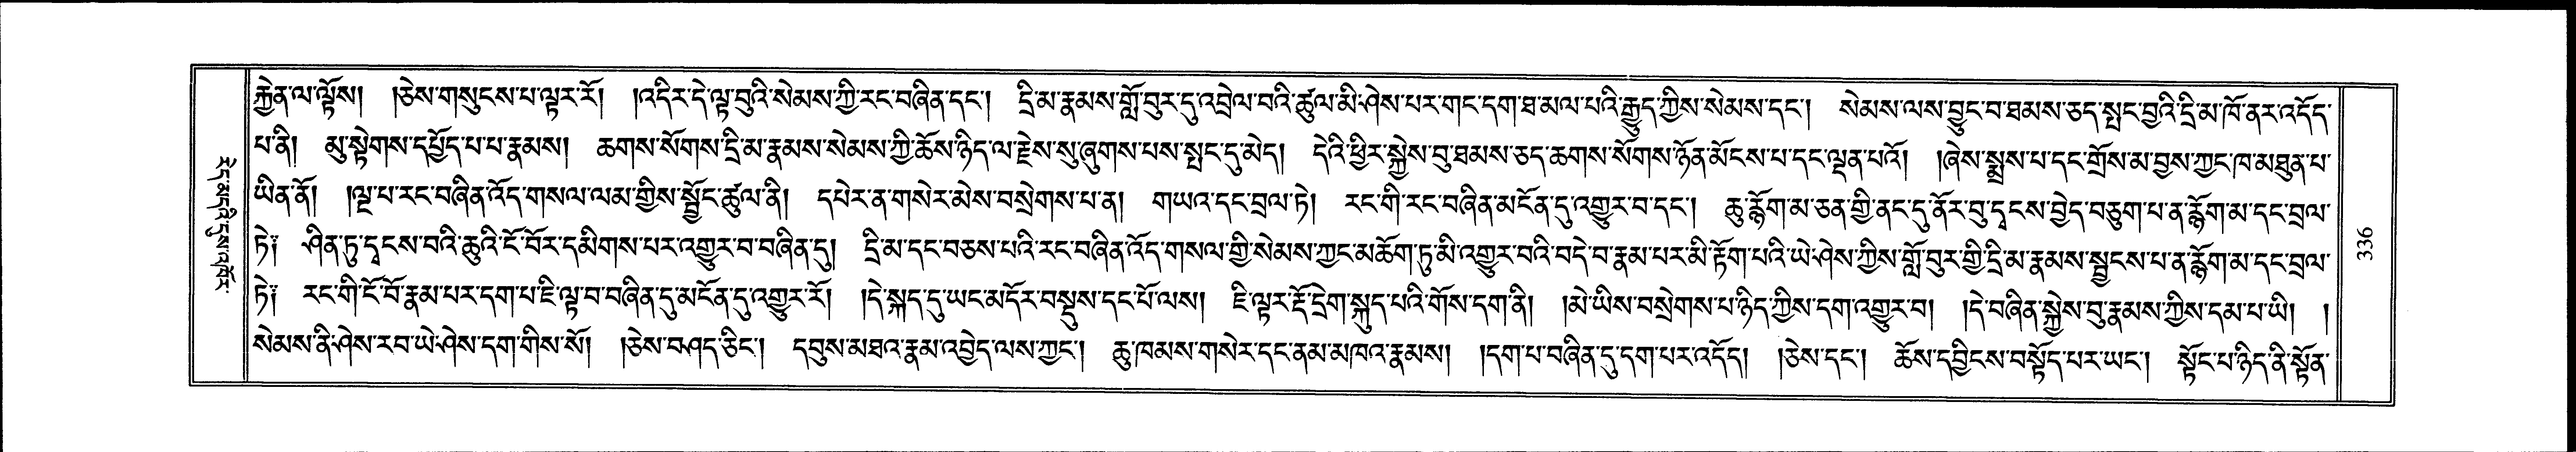རྐྱེན་ལ་ལྟོས། །ཅེས་གསུངས་པ་ལྟར་རོ། །འདིར་དེ་ལྟ་བུའི་སེམས་ཀྱི་རང་བཞིན་དང་། དྲི་མ་རྣམས་གློ་བུར་དུ་འབྲེལ་བའི་ཚུལ་མི་ཤེས་པར་གང་དག་ཐ་མལ་པའི་རྒྱུད་ཀྱིས་སེམས་དང་། སེམས་ལས་བྱུང་བ་ཐམས་ཅད་སྤང་བྱའི་དྲི་མ་ཁོ་ནར་འདོད་
པ་ནི། མུ་སྟེགས་དཔྱོད་པ་པ་རྣམས། ཆགས་སོགས་དྲི་མ་རྣམས་སེམས་ཀྱི་ཆོས་ཉིད་ལ་རྗེས་སུ་ཞུགས་པས་སྤང་དུ་མེད། དེའི་ཕྱིར་སྐྱེས་བུ་ཐམས་ཅད་ཆགས་སོགས་ཉོན་མོངས་པ་དང་ལྡན་པའོ། །ཞེས་སྨྲས་པ་དང་གྲོས་མ་བྱས་ཀྱང་ཁ་མཐུན་པ་
ཡིན་ནོ། །ལྔ་པ་རང་བཞིན་འོད་གསལ་ལམ་གྱིས་སྦྱོང་ཚུལ་ནི། དཔེར་ན་གསེར་མེས་བསྲེགས་པ་ན། གཡའ་དང་བྲལ་ཏེ། རང་གི་རང་བཞིན་མངོན་དུ་འགྱུར་བ་དང་། ཆུ་རྙོག་མ་ཅན་གྱི་ནང་དུ་ནོར་བུ་དྭངས་བྱེད་བཅུག་པ་ན་རྙོག་མ་དང་བྲལ་
ཏེ། ཤིན་ཏུ་དྭངས་བའི་ཆུའི་ངོ་བོར་དམིགས་པར་འགྱུར་བ་བཞིན་དུ། དྲི་མ་དང་བཅས་པའི་རང་བཞིན་འོད་གསལ་གྱི་སེམས་ཀྱང་མཆོག་ཏུ་མི་འགྱུར་བའི་བདེ་བ་རྣམ་པར་མི་རྟོག་པའི་ཡེ་ཤེས་ཀྱིས་གློ་བུར་གྱི་དྲི་མ་རྣམས་སྦྱངས་པ་ན་རྙོག་མ་དང་བྲལ་
ཏེ། རང་གི་ངོ་བོ་རྣམ་པར་དག་པ་ཇི་ལྟ་བ་བཞིན་དུ་མངོན་དུ་འགྱུར་རོ། །དེ་སྐད་དུ་ཡང་མདོར་བསྡུས་དང་པོ་ལས། ཇི་ལྟར་རྡོ་དྲེག་སྐུད་པའི་གོས་དག་ནི། །མེ་ཡིས་བསྲེགས་པ་ཉིད་ཀྱིས་དག་འགྱུར་བ། །དེ་བཞིན་སྐྱེས་བུ་རྣམས་ཀྱིས་དམ་པ་ཡི། །
སེམས་ནི་ཤེས་རབ་ཡེ་ཤེས་དག་གིས་སོ། །ཅེས་བཤད་ཅིང་། དབུས་མཐའ་རྣམ་འབྱེད་ལས་ཀྱང་། ཆུ་ཁམས་གསེར་དང་ནམ་མཁའ་རྣམས། །དག་པ་བཞིན་དུ་དག་པར་འདོད། །ཅེས་དང་། ཆོས་དབྱིངས་བསྟོད་པར་ཡང་། སྟོང་པ་ཉིད་ནི་སྟོན་